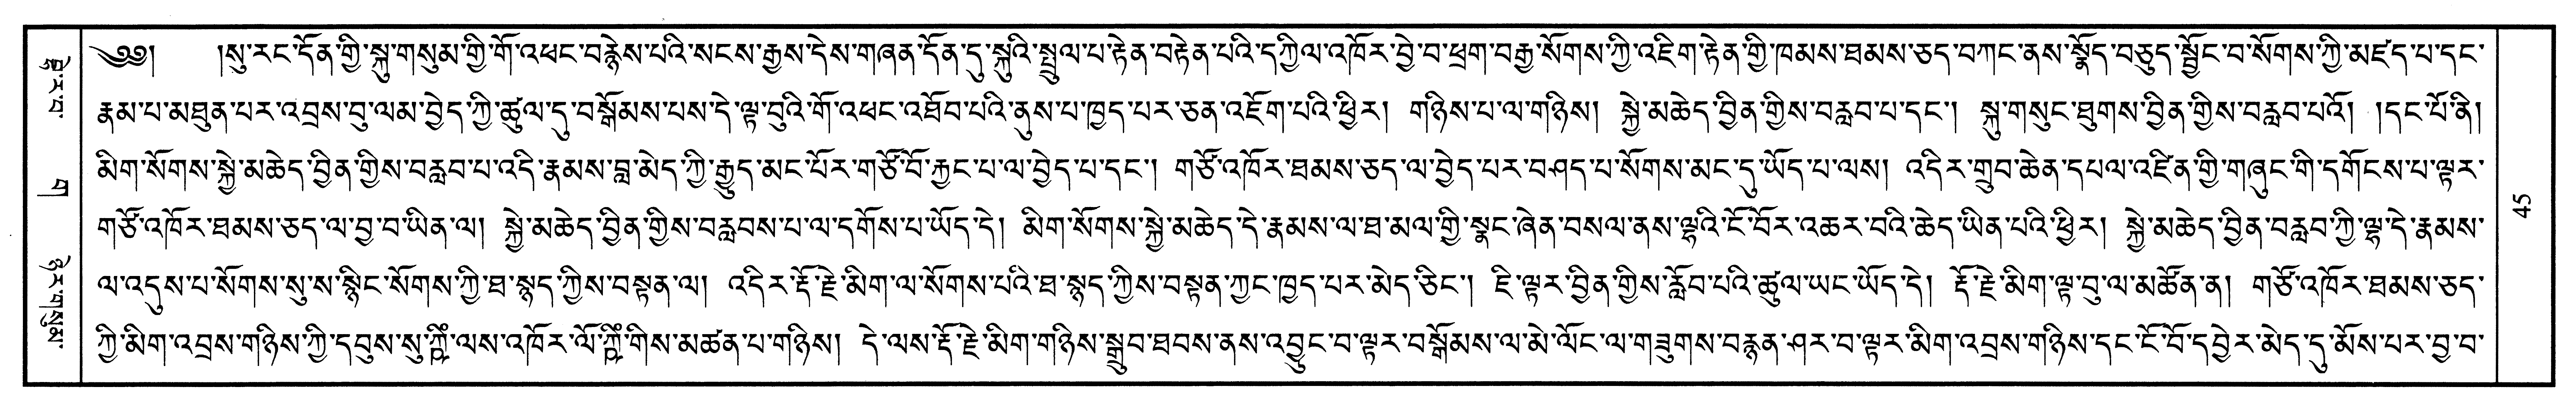༄༅། །སུ་རང་དོན་གྱི་སྐུ་གསུམ་གྱི་གོ་འཕང་བརྙེས་པའི་སངས་རྒྱས་དེས་གཞན་དོན་དུ་སྐུའི་སྤྲུལ་པ་རྟེན་བརྟེན་པའི་དཀྱིལ་འཁོར་བྱེ་བ་ཕྲག་བརྒྱ་སོགས་ཀྱི་འཇིག་རྟེན་གྱི་ཁམས་ཐམས་ཅད་བཀང་ནས་སྣོད་བཅུད་སྦྱོང་བ་སོགས་ཀྱི་མཛད་པ་དང་
རྣམ་པ་མཐུན་པར་འབྲས་བུ་ལམ་བྱེད་ཀྱི་ཚུལ་དུ་བསྒོམས་པས་དེ་ལྟ་བུའི་གོ་འཕང་འཐོབ་པའི་ནུས་པ་ཁྱད་པར་ཅན་འཇོག་པའི་ཕྱིར། གཉིས་པ་ལ་གཉིས། སྐྱེ་མཆེད་བྱིན་གྱིས་བརླབ་པ་དང་། སྐུ་གསུང་ཐུགས་བྱིན་གྱིས་བརླབ་པའོ། །དང་པོ་ནི།
མིག་སོགས་སྐྱེ་མཆེད་བྱིན་གྱིས་བརླབ་པ་འདི་རྣམས་བླ་མེད་ཀྱི་རྒྱུད་མང་པོར་གཙོ་བོ་རྐྱང་པ་ལ་བྱེད་པ་དང་། གཙོ་འཁོར་ཐམས་ཅད་ལ་བྱེད་པར་བཤད་པ་སོགས་མང་དུ་ཡོད་པ་ལས། འདིར་གྲུབ་ཆེན་དཔལ་འཛིན་གྱི་གཞུང་གི་དགོངས་པ་ལྟར་
གཙོ་འཁོར་ཐམས་ཅད་ལ་བྱ་བ་ཡིན་ལ། སྐྱེ་མཆེད་བྱིན་གྱིས་བརླབས་པ་ལ་དགོས་པ་ཡོད་དེ། མིག་སོགས་སྐྱེ་མཆེད་དེ་རྣམས་ལ་ཐ་མལ་གྱི་སྣང་ཞེན་བསལ་ནས་ལྷའི་ངོ་བོར་འཆར་བའི་ཆེད་ཡིན་པའི་ཕྱིར། སྐྱེ་མཆེད་བྱིན་བརླབ་ཀྱི་ལྷ་དེ་རྣམས་
ལ་འདུས་པ་སོགས་སུ་ས་སྙིང་སོགས་ཀྱི་ཐ་སྙད་ཀྱིས་བསྟན་ལ། འདིར་རྡོ་རྗེ་མིག་ལ་སོགས་པའི་ཐ་སྙད་ཀྱིས་བསྟན་ཀྱང་ཁྱད་པར་མེད་ཅིང་། ཇི་ལྟར་བྱིན་གྱིས་རློབ་པའི་ཚུལ་ཡང་ཡོད་དེ། རྡོ་རྗེ་མིག་ལྟ་བུ་ལ་མཚོན་ན། གཙོ་འཁོར་ཐམས་ཅད་
ཀྱི་མིག་འབྲས་གཉིས་ཀྱི་དབུས་སུ་ཀྵིཾ་ལས་འཁོར་ལོ་ཀྵིཾ་གིས་མཚན་པ་གཉིས། དེ་ལས་རྡོ་རྗེ་མིག་གཉིས་སྒྲུབ་ཐབས་ནས་འབྱུང་བ་ལྟར་བསྒོམས་ལ་མེ་ལོང་ལ་གཟུགས་བརྙན་ཤར་བ་ལྟར་མིག་འབྲས་གཉིས་དང་ངོ་བོ་དབྱེར་མེད་དུ་མོས་པར་བྱ་བ་